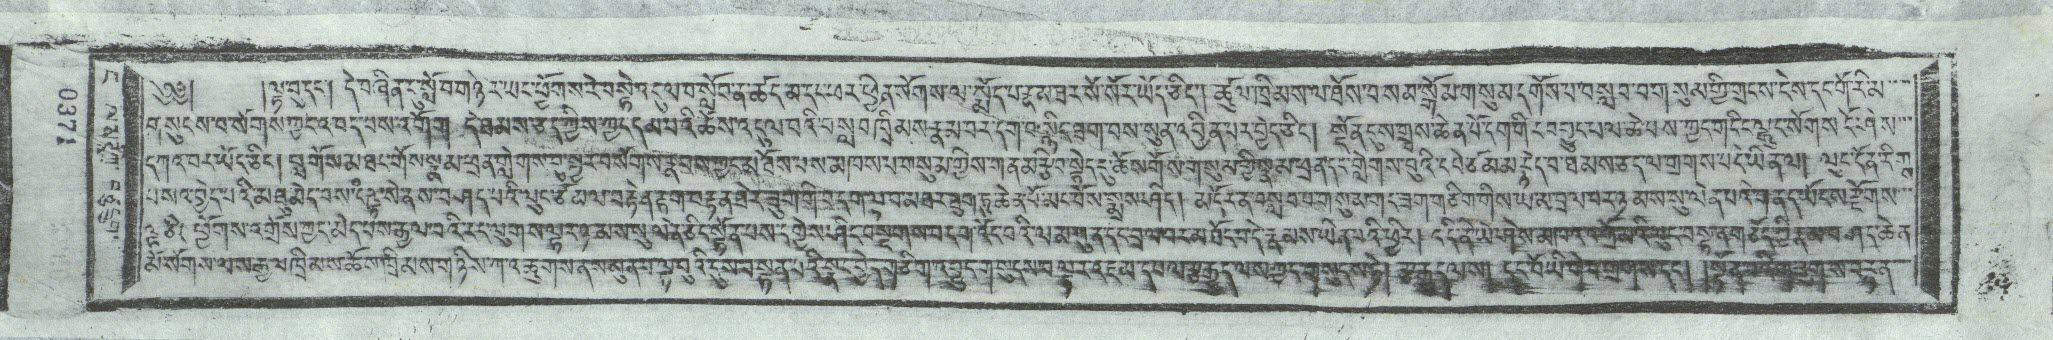༄༅། །ལྟ་བུ་དང་། དེ་བཞིན་དུ་སློབ་གཉེར་ཡང་ཕྱོགས་རེ་བསྟེ་འདུལ་པ་སློབ་ན་ཚང་མ་དང་ཕར་ཕྱིན་སོགས་ལ་སྨོད་པ་རྣམ་ཟར་སོ་སོར་ཡོད་ཅིང་། ཚུལ་ཁྲིམས་ལ་ཐོས་བསམ་སྒོམ་གསུམ་དགོས་པ་བསླབ་པ་གསུམ་གྱི་གྲངས་ངེས་དང་གོ་རིམ་
གསུངས་བ་སོགས་ཀྱང་འབད་པས་འགོག་དེ་ཐམས་ཅད་ཀྱིས་ཀྱང་དམ་པའི་ཆོས་འདུལ་བའི་བསླབ་ཁྲིམས་རྣམ་བར་དག་པ་སྙིང་ཐག་པས་སུན་འབྱེད་པར་བྱེད་ཅིང་། སྡོན་དུས་གྲྭས་ཆེན་པོ་དག་གི་རབ་བྱུང་ཕལ་ཆེས་པས་ཀྱང་གདིང་ལྟུང་སོགས་ངོ་ཤེས་
དཀའ་བར་ཡོད་ཅིང་། བླ་གོས་མཐང་གོས་སྣམ་ཕྲན་གླེགས་བུ་སྦྱར་བ་སོགས་རྣབས་ཀྱང་མཐོས་པས་མཁས་པ་གསུམ་གྱིས་གནམ་མ་རྩི་བསྟེང་དུ་ཆོས་གོས་གསུམ་གྱི་སྣམ་ཕྲན་དང་གླེགས་བུའི་དཔེ་ཙམ་མ་རྙེད་པ་ཐམས་ཅད་ལ་གྲགས་པ་དེ་ཡིན་ལ། ལུང་དོན་རིགས་
པས་འབྱེད་པའི་མཐུ་མེད་པས་དེ་ཥ་སེ་ནས་བཤད་པའི་ལུང་ཙམ་ལ་བརྟེན་རྟག་བརྟན་ཟེར་ཟུག་གི་བདག་ལྟ་པ་མཐར་ཐུག་དུ་ཆེན་པོ་མང་པོས་སྨྲས་ཤིང་། མདོར་ན་བསླབ་པ་གསུམ་གང་ཟག་གཅིག་གིས་ཡ་མ་བྲལ་པར་ཉམ་སུ་ལེན་པའི་གནད་ཡོངས་རྫོགས་
ལྟ་ཅི༑ ཕྱོགས་འགྲོས་ཀྱང་མེད་པས་རྒྱལ་པའི་རབ་ལུགས་ལྟར་ཉམས་སུ་ལེན་ཅིང་སྟོན་པས་དགྱེས་ཤིང་བསྔགས་བདག་འོང་པའི་ལམ་ཀུན་དང་བྲལ་བར་མཐོང་པ་དེ་རྣམས་ཡིན་པའི་ཕྱིར། འདི་ནི་ཡེ་ཤེས་མཁའ་འགྲོ་མའི་ལུང་བསྟན་གཅོད་ཀྱི་རྣམ་བཤད་ཆེན་
མོ་སོགས་ལས་རྒྱལ་ཁྲིམས་ཆོས་ཁྲིམས་གཉིས་ཀ་འཆུགས་ནས་མུན་པ་ལྟ་བུའི་དུས་བསྟན་པའི་སྣང་བྱེད་གཅིག་འབྱུང་གསུངས་པ་ལྟར་འཇམ་དཔལ་རྩ་རྒྱུད་ལས་ཀྱང་གསུངས་ཏེ། རྩ་རྒྱུད་ལས། དང་པོ་ཡི་གེ་འགྲགས་དང་། །སྟོན་པའི་གཟུགས་བསྟན་